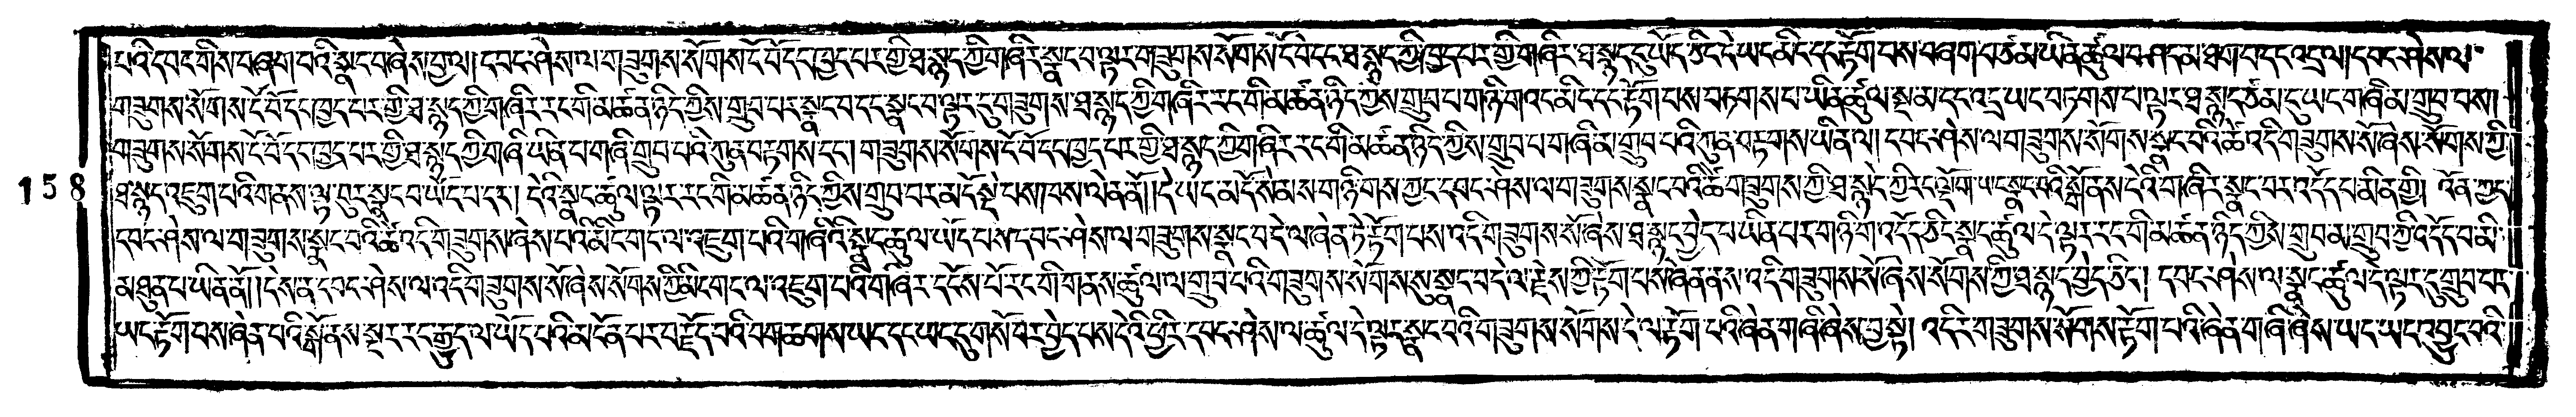པའི་དབང་གིས་བཞག་བའི་སྣང་བ་ཞེས་བྱ་ལ། དབང་ཤེས་ལ་གཟུགས་སོགས་ངོ་བོ་དང་ཁྱད་པར་གྱི་ཐ་སྙད་ཀྱི་གཞིར་སྣང་བ་ལྟར་གཟུགས་སོགས་ངོ་བོ་དང་ཐ་སྙད་ཀྱི་ཁྱད་པར་གྱི་གཞིར་ཐ་སྙད་དུ་ཡོད་ཅིང་དེ་ཡང་མིང་དང་རྟོག་པས་བཞག་པ་ཙམ་ཡིན་ཚུལ་བཤད་མ་ཐག་པ་དང་འདྲལ། དབང་ཤེས་ལ་
གཟུགས་སོགས་ངོ་བོ་དང་ཁྱད་པར་གྱི་ཐ་སྙད་ཀྱི་གཞིར་རང་གི་མཚན་ཉིད་ཀྱིས་གྲུབ་པར་སྣང་བ་དང་སྣང་བ་ལྟར་དུ་གཟུགས་ཐ་སྙད་ཀྱི་གཞིར་རང་གི་མཚན་ཉིད་ཀྱིས་གྲུབ་པ་གཉི་གའང་མིང་དང་རྟོག་བས་བཏགས་པ་ཡིན་ཚུལ་སྔ་མ་དང་འདྲ་ཡང་བཏགས་པ་ལྟར་ཐ་སྙད་ཙམ་དུ་ཡང་གཞི་མ་གྲུབ་བས།
གཟུགས་སོགས་ངོ་བོ་དང་ཁྱད་པར་གྱི་ཐ་སྙད་ཀྱི་གཞི་ཡིན་པ་གཞི་གྲུབ་པའི་ཀུན་བརྟགས་དང་། གཟུགས་སོགས་ངོ་བོ་དང་ཁྱད་པར་གྱི་ཐ་སྙད་ཀྱི་གཞིར་རང་གི་མཚན་ཉིད་ཀྱིས་གྲུབ་པ་གཞི་མ་གྲུབ་པའི་ཀུན་བརྟགས་ཡིན་ལ། དབང་ཤེས་ལ་གཟུགས་སོགས་སྣང་བའི་ཚེ་འདི་གཟུགས་སོ་ཞེས་སོགས་ཀྱི་
ཐ་སྙད་འཇུག་པའི་གནས་ལྟ་བུར་སྣང་བ་ཡོད་པ་དང་། དེའི་སྣང་ཚུལ་ལྟར་རང་གི་མཚན་ཉིད་ཀྱིས་གྲུབ་བར་མདོ་སྡེ་པས་ཁས་ལེན་ནོ། །དེ་ཡང་མདོ་སེམས་གཉི་གས་ཀྱང་དབང་ཤེས་ལ་གཟུགས་སྣང་བའི་ཚེ་གཟུགས་ཀྱི་ཐ་སྙད་ཀྱི་རང་ལྡོག་ཡང་སྣང་བའི་སྒོ་ནས་དེའི་གཞིར་སྣང་བར་འདོད་པ་མིན་གྱི། འོན་ཀྱང་
དབང་ཤེས་ལ་གཟུགས་སྣང་བའི་ཚེ་འདི་གཟུགས་ཞེས་པའི་མིང་གང་ལ་འཇུག་པའི་གཞིའི་སྣང་ཚུལ་ཡོད་པས་དབང་ཤེས་ལ་གཟུགས་སྣང་བདེ་ལ་ཞེན་ཏེ་རྟོག་པས་འདི་གཟུགས་སོ་ཞེས་ཐ་སྙད་བྱེད་པ་ཡིན་པར་གཉི་ག་འདོད་ཅིང་སྣང་ཚུལ་དེ་ལྟར་རང་གི་མཚན་ཉིད་ཀྱིས་གྲུབ་མ་གྲུབ་ཀྱི་འདོད་བ་མི་
མཐུན་པ་ཡིན་ནོ། །དེས་ན་དབང་ཤེས་ལ་འདི་གཟུགས་སོ་ཞེས་སོགས་ཀྱི་མིང་གང་ལ་འཇུག་པའི་གཞིར་དངོས་པོ་རང་གི་གནས་ཚུལ་ལ་གྲུབ་པའི་གཟུགས་སོགས་སུ་སྣང་བ་དེ་ལ་རྗེས་ཀྱི་རྟོག་པས་ཞེན་ནས་འདི་གཟུགས་སོ་ཞེས་སོགས་ཀྱི་ཐ་སྙད་བྱེད་ཅིང་། དབང་ཤེས་ལ་སྣང་ཚུལ་དེ་ལྟར་དུ་གྲུབ་པར་
ཡང་རྟོག་བས་ཞེན་པའི་སྒོ་ནས་སྔར་རང་རྒྱུད་ལ་ཡོད་པའི་མངོན་པར་བརྗོད་པའི་བག་ཆགས་ཡང་དང་ཡང་དུ་གསོ་བར་བྱེད་བས་དེའི་ཕྱིར་དབང་ཤེས་ལ་ཚུལ་དེ་ལྟར་སྣང་བའི་གཟུགས་སོགས་དེ་ལ་རྟོག་པའི་ཞེན་གཞི་ཞེས་བྱ་སྟེ། འདིར་གཟུགས་སོགས་རྟོག་པའི་ཞེན་གཞི་ཞེས་ཡང་ཡང་འབྱུང་བའི་